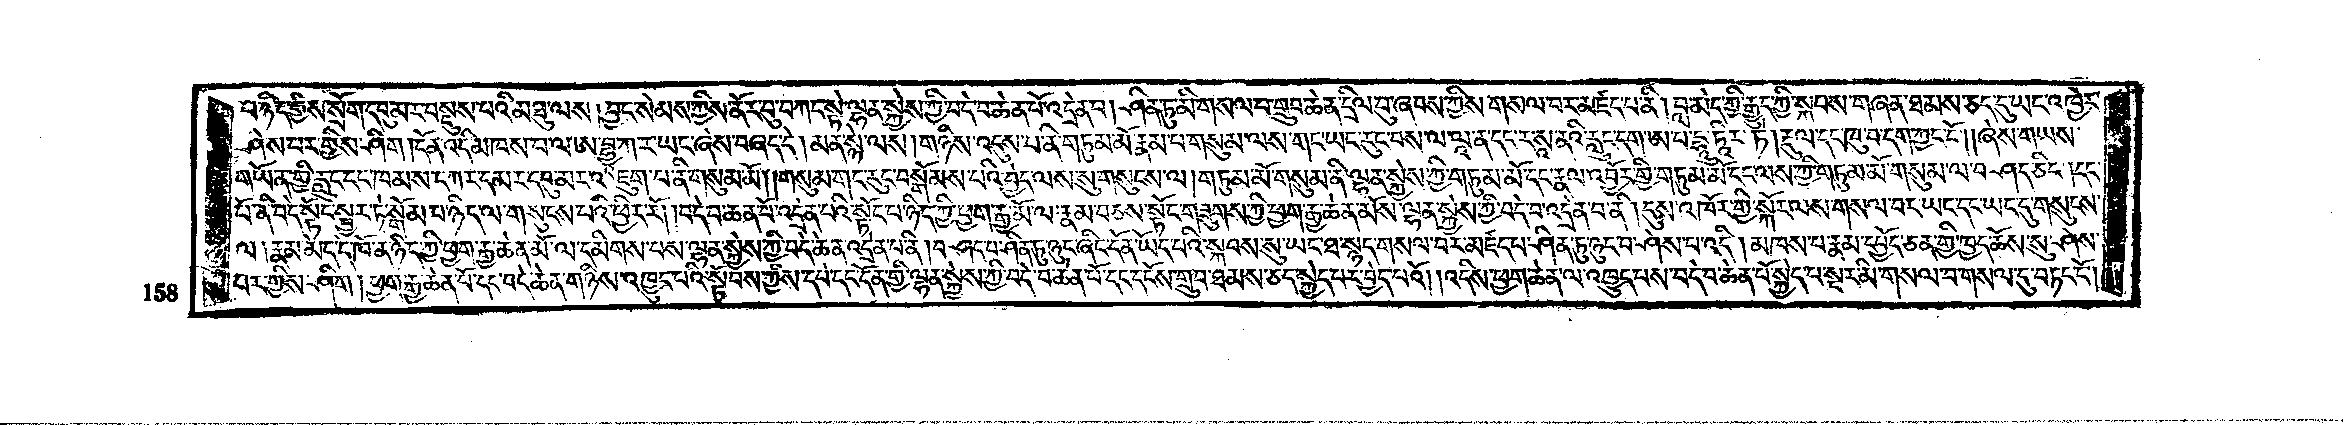པ་ཉིད་གྱིས་སྲོག་དབུ་མར་བསྡུས་པའི་མཐུ་ལས། བྱང་སེམས་ཀྱིས་ནོར་བུ་བཀང་སྟེ་ལྷན་སྐྱེས་ཀྱི་བདེ་བ་ཆེན་པོ་འདྲེན་པ། ཤིན་ཏུ་མི་གསལ་བ་གྲུབ་ཆེན་དྲིལ་བུ་ཞབས་ཀྱིས་གསལ་བར་མཛད་པ་ནི། བླ་མེད་ཀྱི་རྒྱུད་ཀྱི་སྐབས་གཞན་ཐམས་ཅད་དུ་ཡང་འཁྱེས་?
ཤེས་པར་གྱིས་ཤིག །དོན་འདི་མཁས་པ་ལ་ཨ་བྷྱ་ཀ་ར་ཡང་ཞེས་བཞད་དེ། མན་སྙེ་ལས། གཉིས་འདུས་པ་ནི་གཏུམ་མོ་རྣམ་པ་གསུམ་ལས་གང་ཡང་རུང་བས་ལ་ལཱ་ན་དང་ར་སཱ་ནའི་རླུང་དག་ཨ་པ་དྷཱུ་ཏཱིར་ཏེ། རྡུལ་དང་ཁུ་བ་དག་ཀྱང་ངོ། །ཞེས་གཡས་
གཡོན་གྱི་རླུང་དང་ཁམས་དཀར་དམར་དབུ་མར་འཇུག་པ་ནི་གསུམ་མོ། །གསུམ་གང་རུང་བསྒོམས་པའི་བྱེད་ལས་སུ་གསུངས་ལ། གཏུམ་མོ་གསུམ་ནི་ལྷན་སྐྱེས་ཀྱི་གཏུམ་མོ་དང་རྣལ་འབྱོར་གྱི་གཏུམ་མོ་དང་ལས་ཀྱི་གཏུམ་མོ་གསུམ་ལ་བཤད་ཅིང་། དང་
པོ་ནི་བདེ་སྟོང་སྦྱར་ཏེ་སྒོམ་པ་ཉིད་ལ་གསུངས་པའི་ཕྱིར་རོ། །བདེ་བ་ཆེན་པོ་འདྲེན་པའི་སྟོང་པ་ཉིད་ཀྱི་ཕྱག་རྒྱ་མོ་ལ་རྣམ་བཅས་སྟོང་གཟུགས་ཀྱི་ཕྱག་རྒྱ་ཆེན་མོས་ལྷན་སྐྱེས་ཀྱི་བདེ་བ་འདྲེན་བ་ནི། དུས་འཁོར་གྱི་སྐོར་ལས་གསལ་བར་ཡང་དང་ཡང་དུ་གསུངས་
ལ། རྣམ་མེད་དེ་ཁོ་ན་ཉིད་ཀྱི་ཕྱག་རྒྱ་ཆེན་མོ་ལ་དམིགས་པས་ལྷན་སྐྱེས་ཀྱི་བདེ་ཆེན་འདྲེན་པ་ནི། བཤད་པ་ཤིན་ཏུ་ཉུང་ཞིང་དོན་ཡོད་པའི་སྐབས་སུ་ཡང་ཐ་སྙད་གསལ་བར་མཛད་པ་ཤིན་ཏུ་ཉུང་བ་ཤེས་པ་འདི། མཁས་པ་རྣམ་དཔྱོད་ཅན་གྱི་ཁྱད་ཆོས་སུ་ཤེས་
པར་གྱིས་ཤིག །ཕྱག་རྒྱ་ཆེན་པོ་དང་བདེ་ཆེན་གཉིས་འཁྱུད་པའི་སྟོབས་ཀྱིས་དཔེ་དང་དོན་གྱི་ལྷན་སྐྱེས་ཀྱི་བདེ་བ་ཆེན་པོ་དང་དངོས་གྲུབ་ཐམས་ཅད་སྐྱེད་པར་བྱེད་པའོ། །འདིས་ཕྱག་ཆེན་ལ་འཁྱུད་པས་བདེ་བ་ཆེན་པོ་སྐྱེད་པ་སྔར་མི་གསལ་བ་གསལ་དུ་བཏང་ངོ།